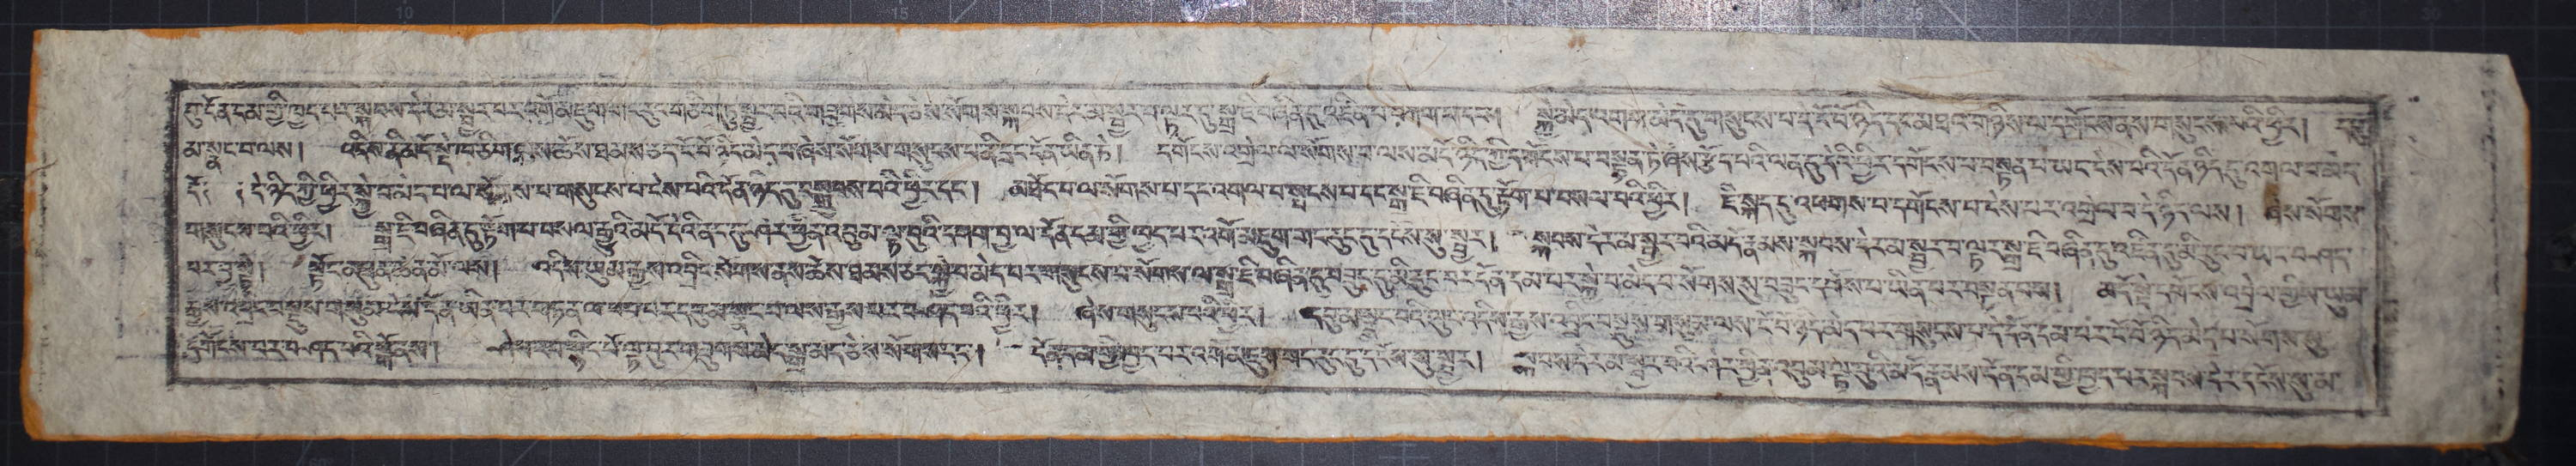བུ་དོན་དམ་གྱི་ཁྱད་པར་སྐབས་དེར་མ་སྦྱར་བར་འགོ་མཇུག་གང་རུང་གཅིག་ཏུ་སྦྱར་བའི་གཟུགས་མེད་ཅེས་སོགས་སྐབས་དེར་མ་སྦྱར་བ་ལྟར་དུ་སྒྲ་ཇི་བཞིན་དུ་འཛིན་པ་བཀག་པ་དང་། སྐྱེ་མེད་དུ་གསུངས་པ་དེ་ངོ་བོ་ཉིད་དང་མཐའ་གཉིས་ལ་དགོངས་ནས་གསུངས་པའི་ཕྱིར། དབུ་
མ་སྣང་བ་ལས། འདིས་ནི་མདོ་སྡེ་ཁ་ཅིག་ལས་ཆོས་ཐམས་ཅད་ངོ་བོ་ཉིད་མེད་པ་ཞེས་སོགས་གསུངས་པ་ནི་དྲང་དོན་ཡིན་ཏེ། དགོངས་འགྲེལ་ལ་སོགས་པ་ལས་མདོ་ཉིད་ཀྱི་དགོངས་པ་བསྟན་ཏེ་ཞེས་རྩོད་པའི་ལན་དུ་དེའི་ཕྱིར་དགོངས་པ་བསྟན་པ་ཡང་ངེས་པའི་དོན་ཉིད་དུ་འགལ་བ་མེད་
དོ༑ ༑དེ་ཉིད་ཀྱི་ཕྱིར་སྐྱེ་བ་མེད་པ་ལ་སོགས་པ་གསུངས་པ་ངེས་པའི་དོན་ཉིད་དུ་བསྒྲུབས་པའི་ཕྱིར་དང་། མཐོང་བ་ལ་སོགས་པ་དང་འགལ་བ་སྤངས་པ་དང་སྒྲ་ཇི་བཞིན་དུ་རྟོག་པ་བསལ་བའི་ཕྱིར། ཇི་སྐད་དུ་འཕགས་པ་དགོངས་པ་ངེས་པར་འགྲེལ་བ་དེ་ཉིད་ལས། ཞེས་སོགས་
གསུངས་པའི་ཕྱིར། སྒྲ་ཇི་བཞིན་དུ་རྟོག་པ་བསལ་རྒྱུའི་མདོ་དེའི་ནང་དུ་ཤེར་ཕྱིན་འབུམ་ལྟ་བུའི་དགག་བྱ་ལ་དོན་དམ་གྱི་ཁྱད་པར་འགོ་མཇུག་གང་རུང་དུ་དངོས་སུ་སྦྱར། སྐབས་དེར་མ་སྦྱར་བའི་མདོ་རྣམས་སྐབས་དེར་མ་སྦྱར་བ་ལྟར་སྒྲ་ཇི་བཞིན་དུ་འཛིན་དུ་མི་རུང་བ་ཡང་བཤད་
པར་བྱ་སྟེ། སྟོང་མཐུན་ཆེན་མོ་ལས། འདིས་ཡུམ་རྒྱས་འབྲིང་སོགས་ནས་ཆོས་ཐམས་ཅད་སྐྱེ་བ་མེད་པར་གསུངས་པ་སོགས་ལ་སྒྲ་ཇི་བཞིན་དུ་བཟུང་དུ་མི་རུང་བར་དོན་དམ་པར་སྐྱེ་བ་མེད་པ་སོགས་སུ་བཟུང་དགོས་པ་ཡིན་པར་བསྟན་པས། མདོ་སྡེ་དགོངས་འགྲེལ་གྱིས་ཡུམ་
རྒྱས་འབྲིང་བསྡུས་གསུམ་ངེས་དོན་ཡིན་པར་གཏན་ལ་ཕབ་པར་དབུ་མ་སྣང་བ་ལས་རྒྱས་པར་བཤད་པའི་ཕྱིར། ཞེས་གསུངས་པའི་ཕྱིར། དབུ་མ་སྣང་བའི་ལུང་འདིས་རྒྱས་འབྲིང་བསྡུས་གསུམ་ལས་ངོ་བོ་ཉིད་མེད་པར་གསུངས་པ་དེ་དོན་དམ་པར་ངོ་བོ་ཉིད་མེད་པ་སོགས་སུ་
དགོངས་པར་བཤད་པའི་སྒོ་ནས། ཤེས་རབ་སྙིང་པོ་ལྟ་བུར་གཟུགས་མེད་སྒྲ་མེད་ཅེས་སོགས་དང་། དོན་དམ་གྱི་ཁྱད་པར་འགོ་མཇུག་གང་རུང་དུ་དངོས་སུ་སྦྱར། སྐབས་དེར་མ་སྦྱར་བའི་ཤེར་ཕྱིན་འབུམ་ལྟ་བུའི་མདོ་རྣམས་དོན་དམ་གྱི་ཁྱད་པར་སྐབས་དེར་དངོས་སུ་མ་